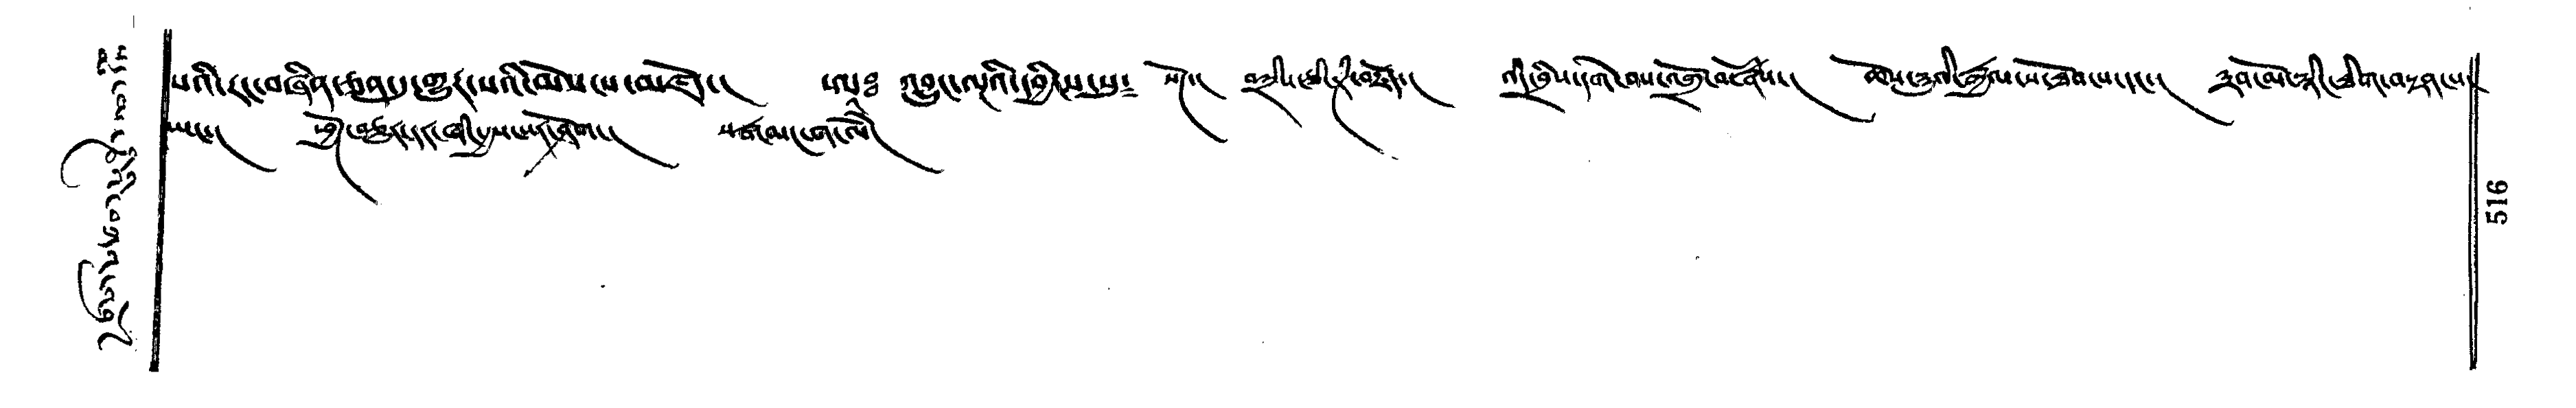པའི་རང་བཞིན་ཅན་དུ་གྱུར་པའི་མོས་པ་མཛོད། ཨཱཿ འབྱུང་ལྔའི་དབྱིངས་སུ༴ སོགས། བཀྲ་ཤིས་ཅི་རིགས་བརྗོད། འདི་བྲིས་དགེ་བས་འགྲོ་བ་རྣམས། །ཆོས་སྐུའི་རྒྱལ་ས་ཐོབ་པ་དང་། །ཟབ་མོ་སྙིང་ཐིག་བསྟན་པ་
ཡང་། །ཕྱོགས་བཅུར་དར་ཞིང་རྒྱས་པར་ཤོག སརྦ་མཾ་ག་ལམ།། དགེའོ།།